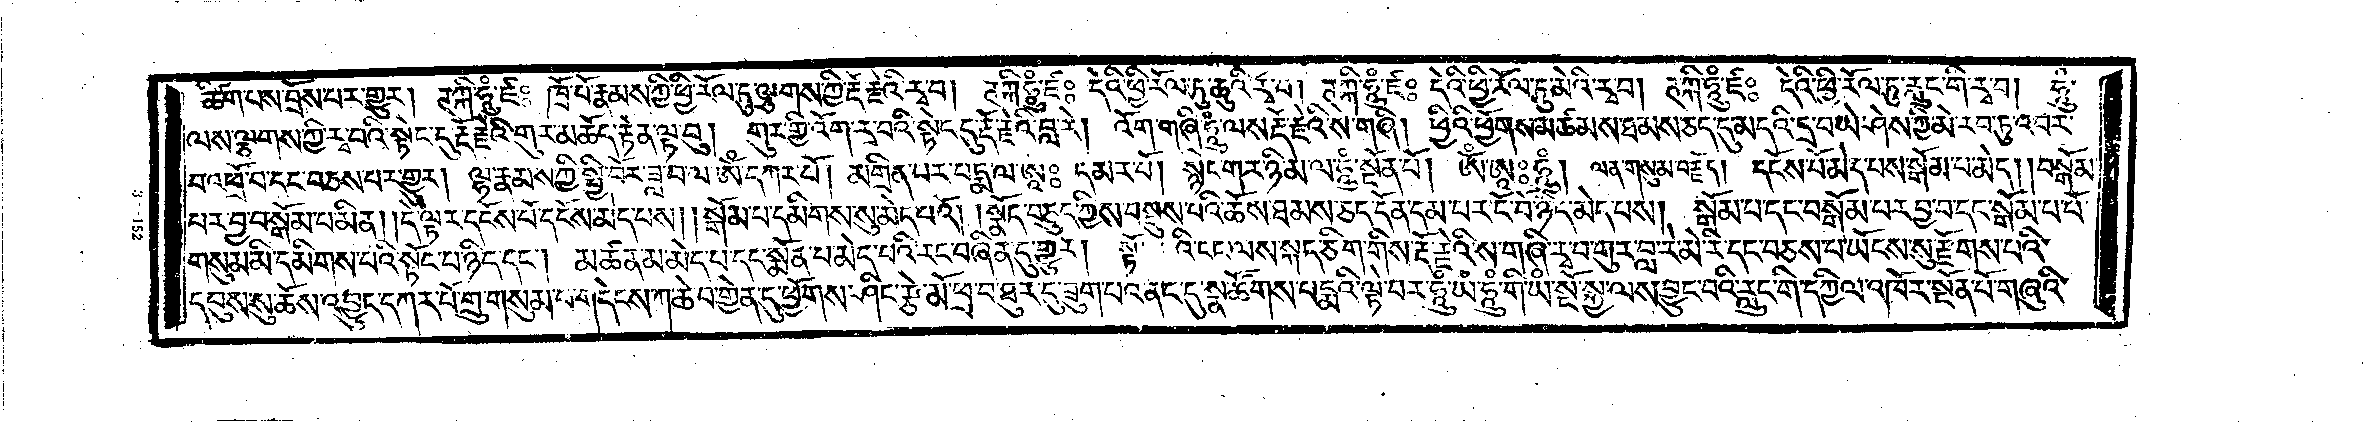ཚིག་པས་བྲོས་པར་གྱུར། ཊིཀྐ་ཧཱུཾ་ཛཿ ཁྲོ་པོ་རྣམས་ཀྱི་ཕྱི་རོལ་ཏུ་ལྕགས་ཀྱི་རྡོ་རྗེའི་རྭ་བ། ཊིཀྐ་ཧཱུཾ་ཛཿ དེའི་ཕྱི་རོལ་ཏུ་ཆུའི་རྭ་པ། ཊིཀྐ་ཧཱུཾ་ཛཿདེའི་ཕྱི་རོལ་ཏུ་མེའི་རྭ་བ། ཊིཀྐ་ཧཱུཾ་ཛཿ དེའི་ཕྱི་རོལ་ཏུ་རླུང་གི་རྭ་བ། ཧཱུཾ་
ལས་ལྕགས་ཀྱི་རྭ་བའི་སྟེང་དུ་རྡོ་རྗེའི་གུར་མཆོད་རྟེན་ལྟ་བུ། གུར་གྱི་འོག་རྭ་བའི་སྟེང་དུ་རྡོ་རྗེའི་བླ་རེ། འོག་གཞི་ཧཱུཾ་ལས་རྡོ་རྗེའི་ས་གཞི། ཕྱིའི་ཕྱོགས་མཚམས་ཐམས་ཅད་དུ་མ་དེའི་དྲ་བ་ཡེ་ཤེས་ཀྱི་མེ་རབ་ཏུ་འབར་
བ་འཕྲོ་བ་དང་བཅས་པར་གྱུར། ལྷ་རྣམས་ཀྱི་སྤྱི་བོར་ཟླ་བ་ལ་ཨོཾ་དཀར་པོ། མགྲིན་པར་པདམ་ལ་ཨཱཿ དམར་པོ། སྙིང་གར་ཉི་མ་ལ་ཧཱུཾ་སྔོན་པོ། ཨོཾ་ཨཱཿ ཧཱུཾ། ལན་གསུམ་བརྗོད། དངོས་པོ་མེད་པས་སྒོམ་པ་མེད། །བསྒོམ་
པར་བྱ་བ་སྒོམ་པ་མིན། །དེ་ལྟར་དངོས་པོ་དངོས་པོ་མེད་པས། །སྒོམ་པ་དམིགས་སུ་མེད་པའོ། །སྣོད་བཅུད་ཀྱིས་བསྡུས་པའི་ཆོས་ཐམས་ཅད་དོན་དམ་པར་ངོ་བོ་ཉིད་མེད་པས། སྒོམ་པ་དང་བསྒོམ་པར་བྱ་བ་དང་སྒོམ་པ་པོ་
གསུམ་མི་དམིགས་པའི་སྟོང་པ་ཉིད་དང་། མཚན་མ་མེད་པ་དང་སྨོན་པ་མེད་པའི་རང་བཞིན་དུ་གྱུར། སྟོང་པའི་ངང་ལས་སྐད་ཅིག་གིས་རྡོ་རྗེའི་ས་གཞི་རྭ་བ་གུར་བླ་རེ་མེ་རི་དང་བཅས་པ་ཡོངས་སུ་རྫོགས་པའི་
དབུས་སུ་ཆོས་འབྱུང་དཀར་པོ་གྲུ་གསུམ་པ་གདེངས་ཀ་ཆེ་བ་གྱེན་དུ་ཕྱོགས་ཤིང་རྩེ་མོ་ཕྲ་བ་ཐུར་དུ་ཟུག་པའི་ནང་དུ་སྣ་ཚོགས་པདམའི་ལྟེ་བར་ཧཱུཾ་གི་ཡཾ་སྔོ་སྐྱ་ལས་བྱུང་བའི་རླུང་གི་དཀྱིལ་འཁོར་སྔོན་པོ་གཞུའི་